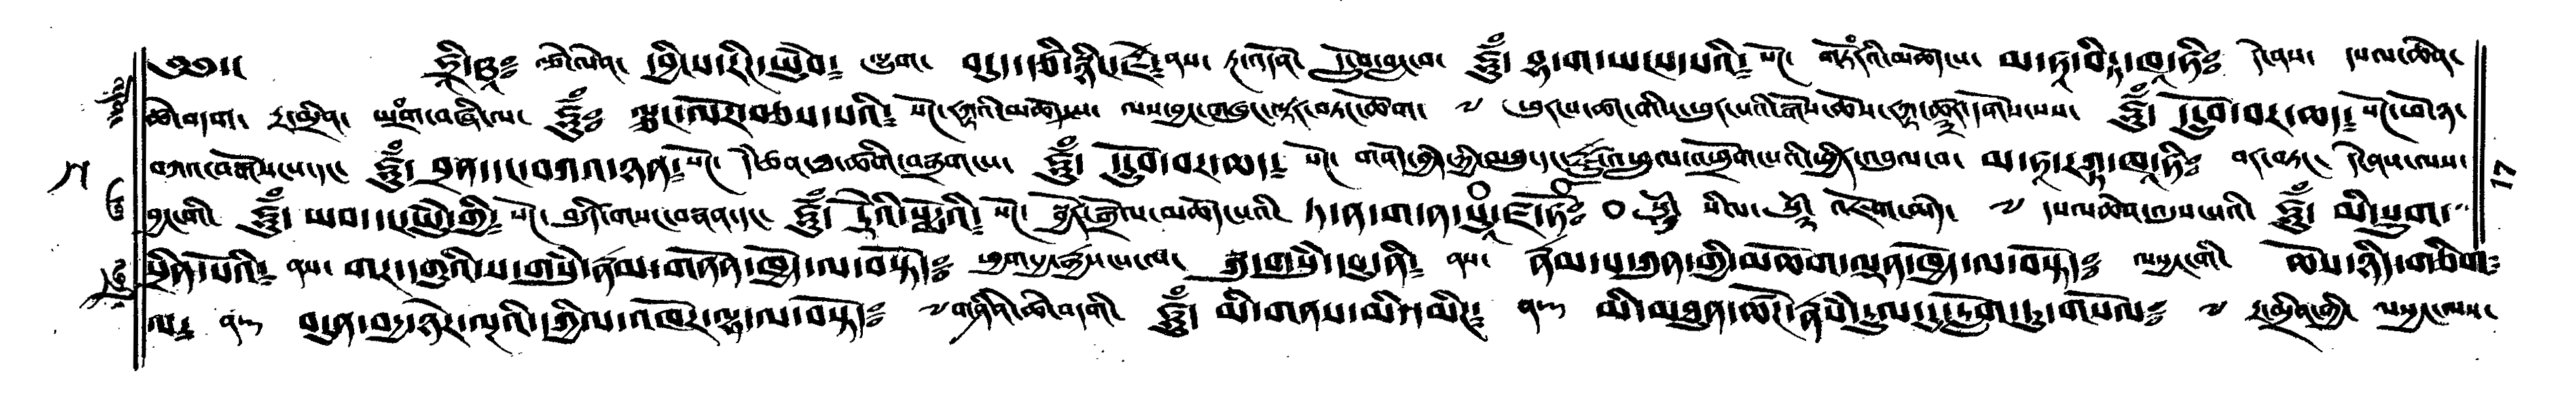ཧྲཱི་ཋཱ༔ རྩེ་ལེན། དབྱིངས་རིག་ཡབ་ཡུམ༴ ལྷུག་འདོན། བདུད་རྩི་སྙིང་རྗེ༴ ནས། རྔ་འདོན། དངོས་གྲུབ་བླང་བ། ཧཱུྃ༔ བྷ་ག་ཡངས་པའི༴ སོགས། གཏོར་མའི་མཆོད་པ། མ་ཧཱ་བལིངྟ་ཁཱ་ཧི༔ དེ་ནས་ དཔལ་ཆེན་
ཚེ་བདག རྟ་མགྲིན། ཡན་ལག་བཞི་ལ། ཧཱུྃ༔ ལྕང་ལོར་བཅས་པའི༴ སོགས་རཀྟའི་མཆོད་པ། ལས་བྱང་གཞུང་ལྟར་གཏོང་ཆོག ཕུར་པ་ཚང་གི་ཕུར་པའི་སྒོས་ཆོས་རཀྟ་ཚར་གསུམ་དགོས་པས། ཧཱུྃ༔ དངོས་གྲུབ་བར་ཆད༴ སོགས་ཀྱིས་ཕོ་ཉ་
བཀའ་བསྒོས་པ་དང་། ཧཱུྃ༔ བྲན་དང་བཀའ་ཉན༴ སོགས། དམ་ཅན་ཐ་ཚིག་སྒྲག ཧཱུྃ༔ དངོས་གྲུབ་བར་ཆད༴ སོགས། གནོད་བྱེད་ཀྱི་མཐུ་དང་རྫུ་འཕྲུལ་འཕྲོག་པའི་ཕྱིར་འབུལ་བ། མ་ཧཱ་རཀྟ་ཁཱ་ཧི༔ བར་བཏང་། དེ་ནས་ལས་
བྱང་གི ཧཱུྃ༔ ཡབ་དང་ཡུམ་གྱི༴ སོགས་བདུད་རྩི་གསང་བསྣན་དང་། ཧཱུྃ༔ རྡོ་རྗེའི་པདྨོའི༴ སོགས་སྦྱོར་སྒྲོལ་མཆོད་པའི། ཏ་ན་ག་ན་པཱུ་ཛ་ཧོཿསུམ་གཅིག ཟིལ། འཇོག་མེད། དཔལ་ཆེན་འདུས་པའི། ཧཱུྃ༔ མི་སྡུག་
སྲིན་པོའི༴ ནས། གར་དགུས་ས་གསུམ་རྣམ་གནོན་ཁྱོད་ལ་བསྟོད༔ ཕྱག་རྒྱ་རྒྱས་པའི། སྐུ་གསུམ་དབུ་ནི༴ ནས། རྣམ་པ་ཀུན་གྱི་མཆོག་ལྡན་ཁྱོད་ལ་བསྟོད༔ ལས་བྱང་གི ཆོས་ཉིད་གཅིག་
ལ༴ ནས། བདུན་བརྒྱ་ཉེར་ལྔའི་དཀྱིལ་འཁོར་ལྷ་ལ་བསྟོད༔ གཤིན་རྗེ་ཚེ་བདག་གི ཧཱུྃ༔ མི་གནས་མི་དམིགས༴ ནས། མི་མཐུན་ཚོགས་རྣམས་རྡུལ་དུ་རླག་ཏུ་གསོལ༔ རྟ་མགྲིན་གྱི་ལས་བྱང་ལས་